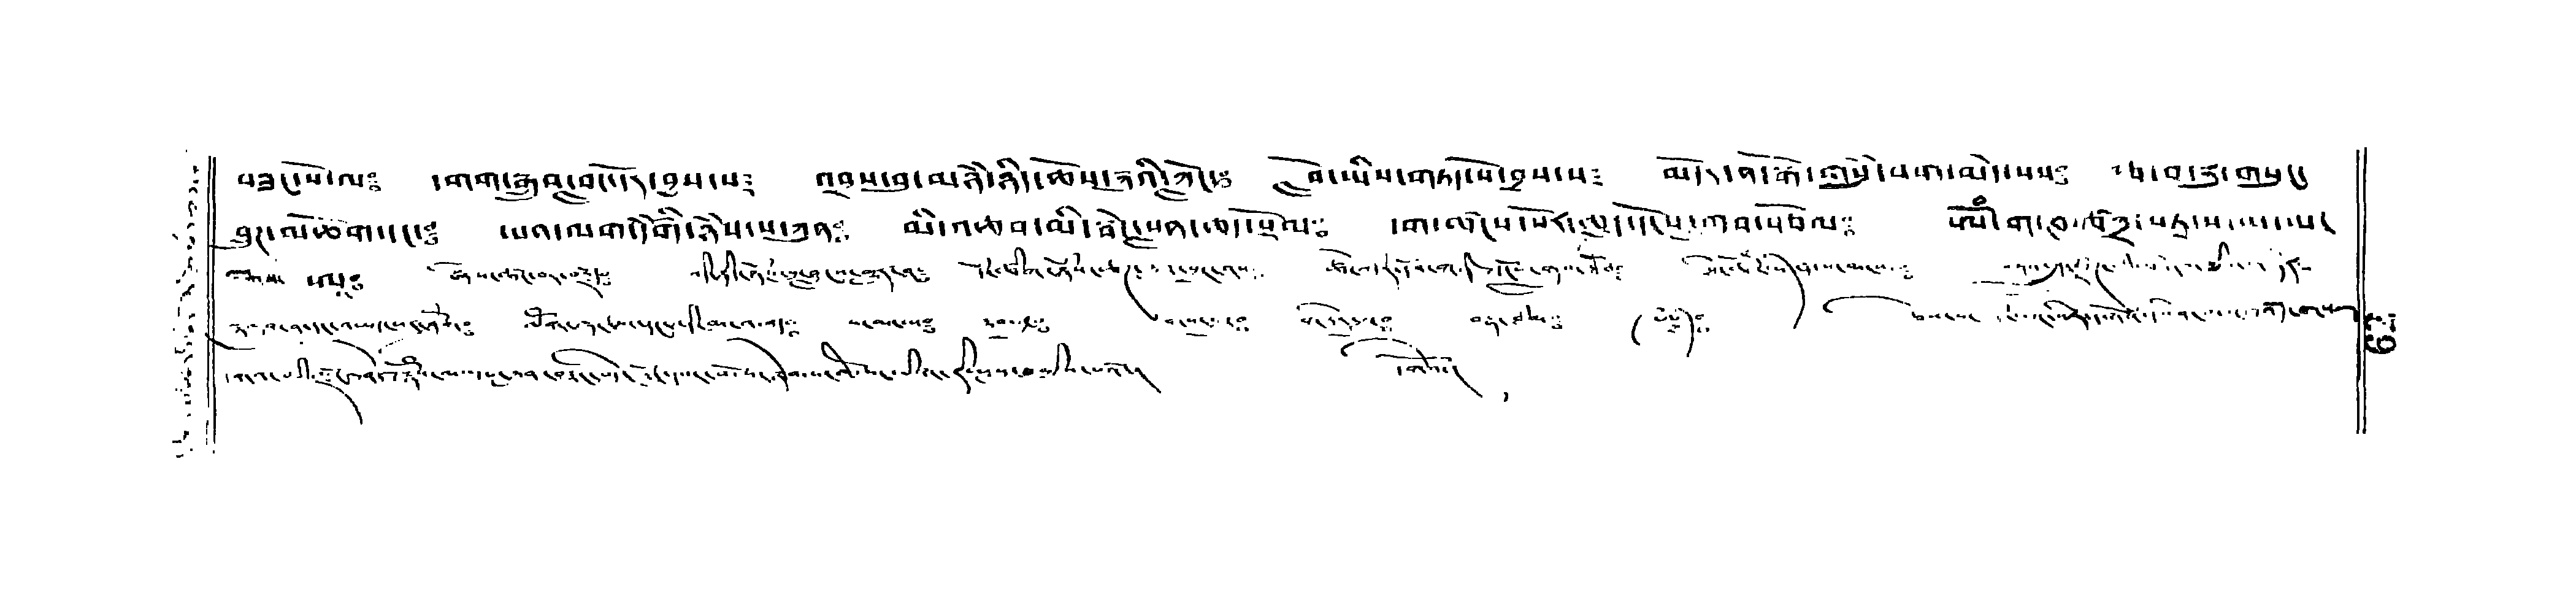བཟང་པོ་ལ༔ དགག་སྒྲུབ་བླང་དོར་བྱས་པ༴ འབྲས་བུ་མཉམ་ཉིད་ཆོས་སྐུའི་ཀློང༔ བློ་ཡིས་གཏད་སོ་བྱས་པ༴ མདོར་ན་སྒོ་གསུམ་བག་མེད་པས༔ རྩ་བ་སྐུ་གསུང་
ཐུགས་མཆོག་དང༔ ཡན་ལག་དམ་ཚིག་ཉམས་པ་ཀུན༔ མི་འཆབ་མི་སྦེད་སླན་ཆད་སྡོམ༔ དག་ཚངས་སོར་ཆུད་དངོས་གྲུབ་སྩོལ༔ ཨོཾ་ག་ཎ་ཙཀྲ་ས་ཏྭ་ས་མ་ཡ་
སོགས། ཨཱཿ ཞེས་ཚང་བར་བརྗོད༔ འདི་ཉིད་ཉམས་སུ་བླངས་གྱུར་ན༔ དམ་ཚིག་ཉམས་ཆགས་ཀུན་བྱང་ནས༔ ཚེ་འདིར་དོན་གཉིས་དངོས་གྲུབ་ཐོབ༔ ཐེ་ཚོམ་མེད་དོ་ས་མ་ཡ༔ བཀའ་སྲུང་དྲེགས་པའི་ཚོགས་ཀྱིས་གཉེར༔ 
སྐལ་ལྡན་བུ་དང་འཕྲད་པར་ཤོག༔ ལོག་ལྟ་ཅན་དང་འདི་མ་འཕྲད༔ ས་མ་ཡ༔ ཟབ་རྒྱ༔གསང་རྒྱ༔ གཏེར་རྒྱ༔ བརྡ་ཐིམ༔ ༔ ཅེས་པ་འདི་ཡང་སེར་དགོན་དབེན་གནས་འོད་གསལ་
དགའ་བའི་ལྗོངས་ནས་སྙོམས་ལས་པ་ཀུན་བཟང་བདེ་སྐྱོང་དབང་མོས་ཉམས་ཆོས་ཡིག་རིས་སུ་བགྱིས་པའོ།། དགེའོ།།